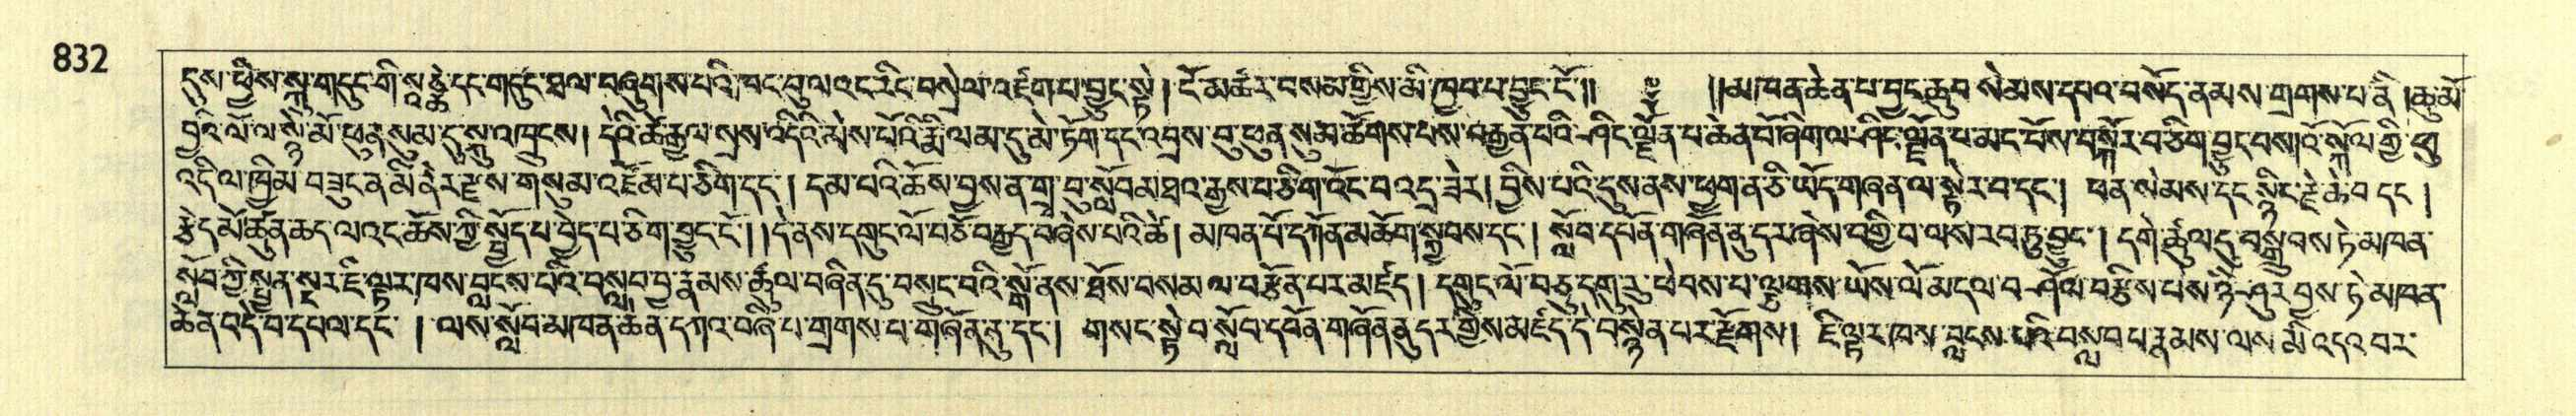དུས་ཕྱིས་སྐུ་གདུང་གི་སཱཙྪ་དང་གདུང་ཐལ་བཞུགས་པའི་ཁང་བུ་ལའང་རིང་བསྲེལ་འཛག་པ་བྱུང་སྟེ། ངོ་མཚར་བསམ་གྱིས་མི་ཁྱབ་པ་བྱུང་ངོ།། ༈ །།མཁན་ཆེན་པ་བྱང་ཆུབ་སེམས་དཔའ་བསོད་ནམས་གྲགས་པ་ནི་།ཆུ་མོ་
བྱའི་ལོ་ལ་སྙེ་མོ་ཕུན་སུམ་དུ་སྐུ་འཁྲུངས། དེའི་ཚེ་རྒྱལ་སྲས་འདིའི་མེས་པོའི་རྨི་ལམ་དུ་མེ་ཏོག་དང་འབྲས་བུ་ཕུན་སུམ་ཚོགས་པས་བརྒྱན་པའི་ཤིང་ལྗོན་པ་ཆེན་པོ་ཞིག་ལ་ཤིང་ལྗོན་པ་མང་པོས་བསྐོར་བ་ཅིག་བྱུང་བས། འོ་སྐོལ་གྱི་ཕུ་
འདི་ལ་ཁྱིམ་བཟུང་ན་མི་ནེར་རྫས་གསུམ་འཛོམ་པ་ཅིག་དང་། དམ་པའི་ཆོས་བྱས་ན་གྲྭ་བུ་སློབ་མཐའ་རྒྱས་པ་ཅིག་འོང་བ་འདྲ་ཟེར། བྱིས་པའི་དུས་ནས་ཕྱག་ན་ཅི་ཡོད་གཞན་ལ་སྟེར་པ་དང་། ཕན་སེམས་དང་སྙིང་རྗེ་ཆེ་བ་དང་།
རྩེད་མོ་ཚུན་ཆད་ལའང་ཆོས་ཀྱི་སྤྱོད་པ་བྱེ་དཔ་ཅིག་བྱུང་ངོ། །དེ་ནས་དགུང་ལོ་བཅོ་བརྒྱད་བཞེས་པའི་ཚེ། མཁན་པོ་དཀོན་མཆོག་སྐྱབས་དང་། སློབ་དཔོན་གཞོན་ནུ་དར་ཞེས་བགྱི་བ་ལས་རབ་ཏུ་བྱུང་། དགེ་ཚུལ་དུ་བསྒྲུབས་ཏེ་མཁན་
སློབ་ཀྱི་སྤྱན་སྔར་ཇི་ལྟར་ཁས་བླངས་པའི་བསླབ་བྱ་རྣམས་ཚུལ་བཞིན་དུ་བསྲུང་བའི་སྒོ་ནས་ཐོས་བསམ་ལ་བརྩོན་པར་མཛད། དགུང་ལོ་བཅུ་དགུ་རུ་ཕེབས་པ་ལྕགས་ཡོས་ལོ་མདལ་བཤོལ་བརྩིས་པས་ཉི་ཤུར་བྱས་ཏེ་མཁན་
ཆེན་བདེ་བ་དཔལ་དང་། ལས་སློབ་མཁན་ཆེན་དཀའ་བཞི་པ་གྲགས་པ་གཞོན་ནུ་དང་། གསང་སྟེ་བ་སློབ་དཔོན་གཞོན་ནུ་དར་གྱིས་མཛད་དེ་བསྙེན་པར་རྫོགས། ཇི་ལྟར་ཁས་བླངས་པའི་བསླབ་པ་རྣམས་ལས་མི་འདའ་བར་